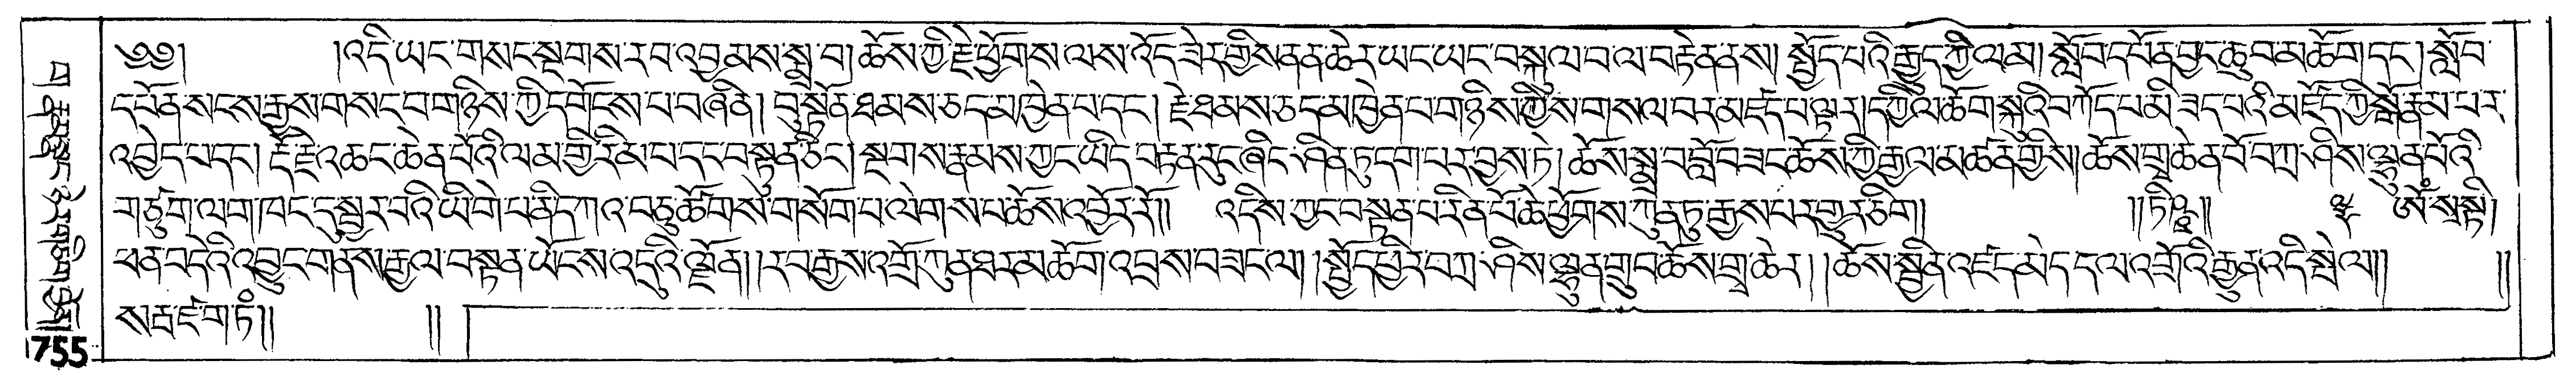༄༅། །འདི་ཡང་གསང་སྔགས་རབ་འབྱམས་སྨྲ་བ། ཆོས་ཀྱི་རྗེ་ཕྱོགས་ལས་འོད་ཟེར་གྱིས་ནན་ཆེར་ཡང་ཡང་བསྐུལ་བ་ལ་བརྟེན་ནས། སྤྱོད་པའི་རྒྱུད་ཀྱི་ལམ། སློབ་དཔོན་བྱང་ཆུབ་མཆོག་དང་། སློབ་
དཔོན་སངས་རྒྱས་གསང་བ་གཉིས་ཀྱི་དགོངས་པ་བཞིན། བུ་སྟོན་ཐམས་ཅད་མཁྱེན་པ་དང་། རྗེ་ཐམས་ཅད་མཁྱེན་པ་གཉིས་ཀྱིས་གསལ་བར་མཛད་པ་ལྟར། དཀྱིལ་ཆོག་སྐུའི་བཀོད་པ་མི་ཟད་པའི་མཛོད་ཀྱི་སྒོ་རྣམ་པར་
འབྱེད་པ་དང་། རྡོ་རྗེ་འཆང་ཆེན་པོའི་ལམ་གྱི་རིམ་པ་དང་བསྟུན་ཅིང་། སྔགས་རྣམས་ཀྱང་ཡིད་བརྟན་རུང་ཞིང་ཤིན་ཏུ་དག་པར་བྱས་ཏེ། ཆོས་སྨྲ་བ་བློ་བཟང་ཆོས་ཀྱི་རྒྱལ་མཚན་གྱིས། ཆོས་གྲྭ་ཆེན་པོ་བཀྲ་ཤིས་ལྷུན་པོའི་
གཙུག་ལག་ཁང་དུ་སྦྱར་བའི་ཡི་གེ་པ་ནི་དཀའ་བཅུ་ཚོགས་གསོག་པ་ལེགས་པ་ཆོས་འབྱོར་རོ། །འདིས་ཀྱང་བསྟན་པ་རིན་པོ་ཆེ་ཕྱོགས་ཀུན་ཏུ་རྒྱས་པར་གྱུར་ཅིག། །།ཏིཥཊཿཨ།། ༈ ཨོཾ་སྭ་སྟི།
ཕན་བདེའི་འབྱུང་གནས་རྒྱལ་བསྟན་ཡོངས་འདུའི་ལྗོན། །རབ་རྒྱས་འགྲོ་ཀུན་ཐར་མཆོག་འབྲས་བཟང་ལ། །སྤྱོད་ཕྱིར་བཀྲ་ཤིས་ལྷུན་གྲུབ་ཆོས་གྲྭ་ཆེར། །ཆོས་སྦྱིན་འཛད་མེད་དལ་འགྲོའི་རྒྱུན་འདི་སྤེལ།། །།
སརྦ་ཛ་ག་ཏཾ།། །།